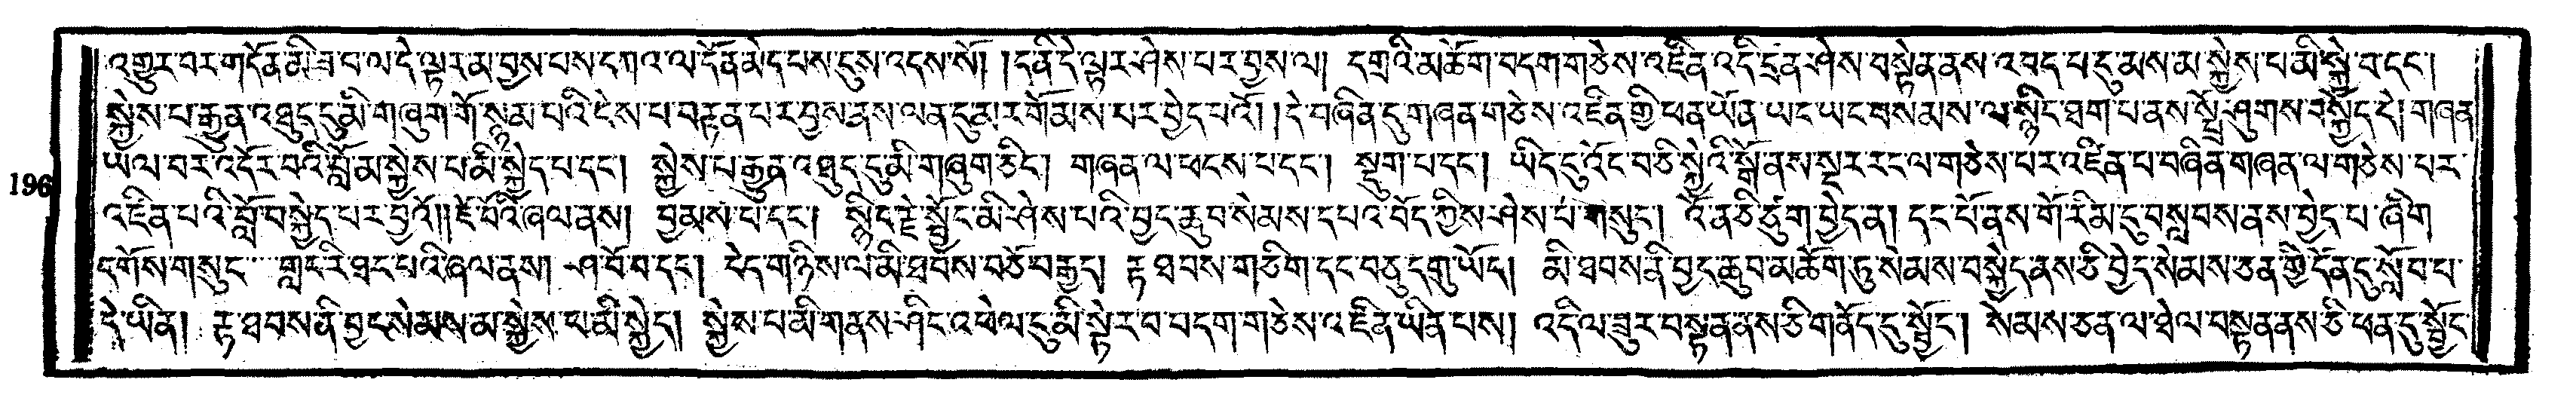འགྱུར་བར་གདོན་མི་ཟ་བ་ལ་དེ་ལྟར་མ་བྱས་པས་དཀའ་ལ་དོན་མེད་པས་དུས་འདས་སོ། །ད་ནི་དེ་ལྟར་ཤེས་པར་བྱས་ལ། དགྲའི་མཆོག་བདག་གཅེས་འཛིན་འདི་དྲན་ཤེས་བསྟེན་ནས་འབད་པ་དུ་མས་མ་སྐྱེས་པ་མི་སྐྱེ་བ་དང་།
སྐྱེས་པ་རྒྱུན་འཐུད་དུ་མི་གཞུག་གོ་སྙམ་པའི་ངེས་པ་བརྟན་པར་བྱས་ན་ལན་དུ་མར་གོམས་པར་བྱེད་པའོ། །དེ་བཞིན་དུ་གཞན་གཅེས་འཛིན་གྱི་ཕན་ཡོན་ཡང་ཡང་བསམས་ལ་སྙིང་ཐག་པ་ནས་སྤྲོ་ཤུགས་བསྐྱེད་དེ། གཞན་
ཡལ་བར་འདོར་བའི་བློ་མ་སྐྱེས་པ་མི་སྐྱེད་པ་དང་། སྐྱེས་པ་རྒྱུན་འཐུད་དུ་མི་གཞུག་ཅིང་། གཞན་ལ་ཕངས་པ་དང་། སྡུག་པ་དང་། ཡིད་དུ་འོང་བ་ཅི་སྐྱེའི་སྒོ་ནས་སྔར་རང་ལ་གཅེས་པར་འཛིན་པ་བཞིན་གཞན་ལ་གཅེས་པར་
འཛིན་པའི་བློ་བསྐྱེད་པར་བྱའོ། །ཇོ་བོའི་ཞལ་ནས། བྱམས་པ་དང་། སྙིང་རྗེ་སྦྱོང་མི་ཤེས་པའི་བྱང་ཆུབ་སེམས་དཔའ་བོད་ཀྱིས་ཤེས་པ་གསུང་། འོ་ན་ཅི་ཙུག་བྱེད་ན། དང་པོ་ནས་གོ་རིམ་དུ་བསླབས་ནས་བྱེད་པ་ཞིག་
དགོས་གསུང་གླང་རི་ཐང་པའི་ཞལ་ནས། ཤ་བོ་བ་དང་། ངེད་གཉིས་ལ་མི་ཐབས་བཅོ་བརྒྱད། རྟ་ཐབས་གཅིག་དང་བཅུ་དགུ་ཡོད། མི་ཐབས་ནི་བྱང་ཆུབ་མཆོག་ཏུ་སེམས་བསྐྱེད་ནས་ཅི་བྱེད་སེམས་ཅན་གྱི་དོན་དུ་སློབ་པ་
དེ་ཡིན། རྟ་ཐབས་ནི་བྱང་སེམས་མ་སྐྱེས་པ་མི་སྐྱེད། སྐྱེས་པ་མི་གནས་ཤིང་འཕེལ་དུ་མི་སྟེར་བ་བདག་གཅེས་འཛིན་ཡིན་པས། འདི་ལ་ཟུར་བསྟན་ནས་ཅི་གནོད་དུ་སྦྱོང་། སེམས་ཅན་ལ་ཐེལ་བསྟན་ནས་ཅི་ཕན་དུ་སྦྱོང་